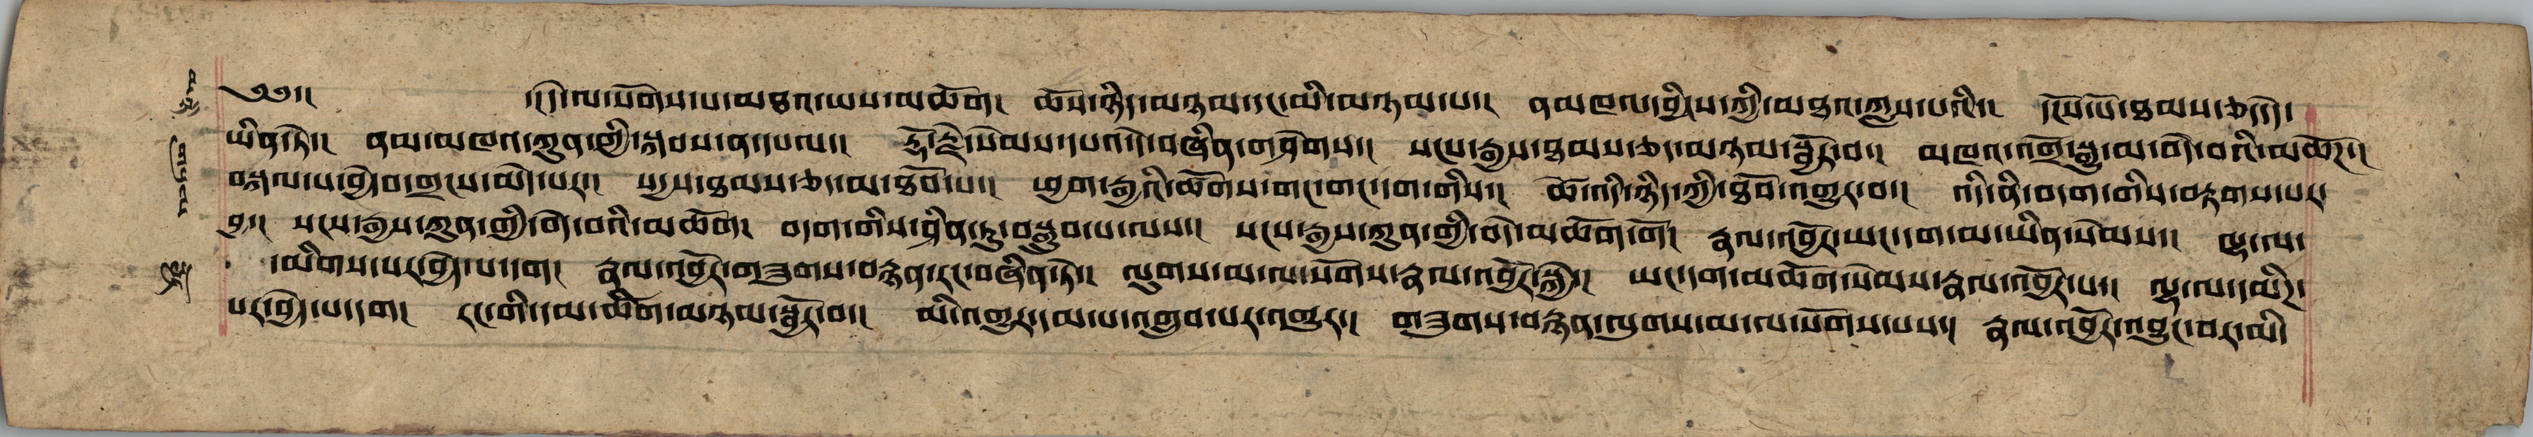༄༅་། ་།དེ་ལ་སོགས་པ་མཐའ་ཡས་མཆོག། ཆོས་ཉིད་མཉམ་དང་མི་མཉམ་པ་། ནམཁའ་དབྱིངས་ཀྱི་མཐའ་ཀླས་པའི་། དངོས་པོ་ཐམས་ཅད་དེ་
ཡིན་ཏེ་། ནམ་མཁའ་ཀུན་གྱི་སྐབས་ན་དཔལ་། རྡོ་རྗེ་སེམས་དཔའ་དེ་བཞིན་གཤེགས་། སངས་རྒྱས་ཐམས་ཅད་མཉམ་སྦྱོར་བ་། མཁའ་འགྲོ་སྒྱུ་མ་བདེ་བའི་མཆོཌ་།
བསྐལ་པ་བྱེ་བ་གྲངས་མེད་པར་། སདྱས་ཐམས་ཅད་མ་ཐོབ་པ་། ཕྱག་རྒྱའི་ཚོགས་གང་གང་དག་གིས་། ཚེ་འདི་ཉིད་ཀྱི་ཐོབ་འགྱུར་བ་། འདི་ནི་བདག་གིས་བརྟགས་པར་
བྱ་། སངས་རྒྱས་ཀུན་གྱི་བདེ་བའི་མཆོག། བདག་གིས་ཤིན་ཏུ་བསྒྲུབ་པ་ལས་། སངས་རྒྱས་ཀུན་གྱི་བདེ་མཆོག་གོ། རྣལ་འབྱོར་ཡང་དག་མ་ཡིན་སེམས་། ལྷ་ལ་
དམིགས་པར་བྱེད་པ་དག། རྣལ་འབྱོར་གཟུགས་བརྙན་རང་བཞིན་ཏེ་། ལུགས་མ་ལ་སོགས་རྣལ་འབྱོར་སྐྱེ་། ཡང་དག་མཆོག་སེམས་རྣལ་འབྱོར་པ་། ལྷ་ལ་དམིཌ་
པར་བྱེད་པ་དག། རང་གི་དམ་ཚིག་མཉམ་སྦྱོར་བ་། མི་འགྱུར་དམ་པ་འགྲུབ་པར་འགྱུར་། གཟུགས་བརྙན་ལུགས་མ་ལ་སོགས་པས་། རྣལ་འབྱོར་འབྱུང་བར་མི་